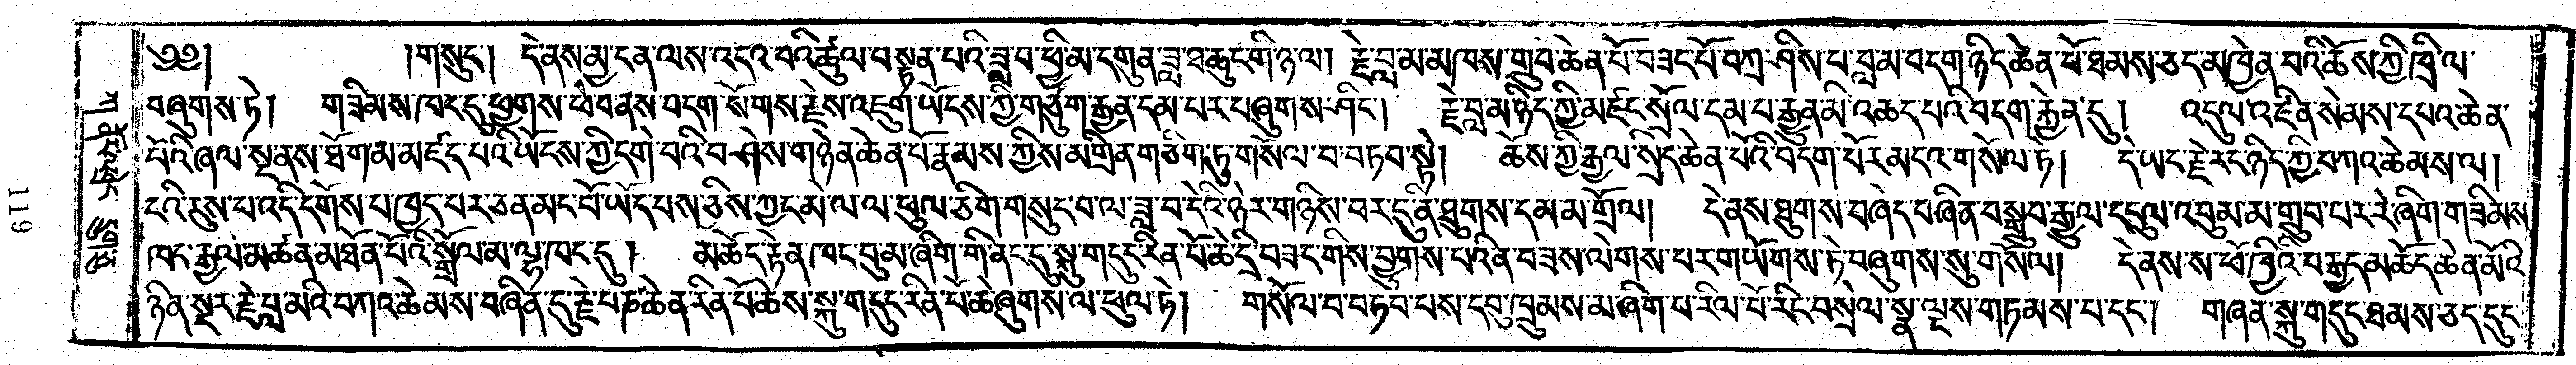༄༅། །གསུང་། དེ་ནས་མྱ་ངན་ལས་འདའ་བའི་ཚུལ་བསྟན་པའི་ཟླ་བ་ཕྱི་མ་དགུན་ཟླ་ཐ་ཆུང་གི་ཉ་ལ། རྗེ་བླ་མ་མཁས་གྲུབ་ཆེན་པོ་བཟང་པོ་བཀྲ་ཤིས་པ་བླ་མ་བདག་ཉིད་ཆེན་པོ་ཐམས་ཅད་མཁྱེན་བའི་ཆོས་ཀྱི་ཁྲིལ་
བཞུགས་ཏེ། གཟིམས་ཁང་དུ་ཕྱགས་ཕེབ་ནས་བདག་སོགས་རྗེས་འཇུག་ཡོངས་ཀྱི་གཙུག་རྒྱན་དམ་པར་བཞུགས་ཤིང་། རྗེ་བླ་མ་ཉིད་ཀྱི་མཛད་སྲོལ་དམ་པ་རྒྱུན་མི་འཆད་པའི་བདག་རྐྱེན་དུ། འདུལ་འཛིན་སེམས་དཔའ་ཆེན་
པོའི་ཞལ་སྔ་ནས་ཐོག་མ་མཛད་པའི་ཡོངས་ཀྱི་དགེ་བའི་བཤེས་གཉེན་ཆེན་པོ་རྣམས་ཀྱིས་མགྲིན་གཅིག་ཏུ་གསོལ་བ་བཏབ་སྟེ། ཆོས་ཀྱི་རྒྱལ་སྲིད་ཆེན་པོའི་བདག་པོར་མདའ་གསོལ་ཏེ། དེ་ཡང་རྗེ་རང་ཉིད་ཀྱི་བཀའ་ཆེམས་ལ།
ངའི་རུས་པ་འདི་དགོས་པ་ཁྱད་པར་ཅན་མང་པོ་ཡོད་པས་ཅིས་ཀྱང་མེ་ལ་ལ་ཕུལ་ཅིག་གསུང་བ་ལ་ཟླ་བ་དེའི་ཉེར་གཉིས་བར་དུ་ནི་ཐུགས་དམ་མ་གྲོལ། དེ་ནས་ཐུགས་བཞེད་བཞིན་བསྒྲུབ་རྒྱུ་ལ་དངུལ་འབུམ་མ་གྲུབ་པར་རེ་ཞིག་གཟིམས་
ཁང་རྒྱལ་མཚན་མཐོན་པོའི་སྒྲོལ་མ་ལྷ་ཁང་དུ། མཆོད་རྟེན་ཁང་བུ་མ་ཞིག་གི་ནང་དུ་སྐུ་གདུང་རིན་པོ་ཆེ་དྲི་བཟང་གིས་བྱུགས་པའི་ན་བཟས་ལེགས་པར་གཡོགས་ཏེ་བཞུགས་སུ་གསོལ། དེ་ནས་ས་ཕོ་ཁྱིའི་བརྒྱད་མཆོད་ཆེན་མོའི་
ཉིན་སྔར་རྗེ་བླ་མའི་བཀའ་ཆེམས་བཞིན་དུ་རྗེ་པཎ་ཆེན་རིན་པོ་ཆེས་སྐུ་གདུང་རིན་པོ་ཆེ་ཞུགས་ལ་ཕུལ་ཏེ། གསོལ་བ་བཏབ་པས་དབུ་ཁྲུམས་མ་ཞིག་པ་རིལ་པོ་རིང་བསྲེལ་སྣ་ལྔས་གཏམས་པ་དང་། གཞན་སྐུ་གདུང་ཐམས་ཅད་དུང་